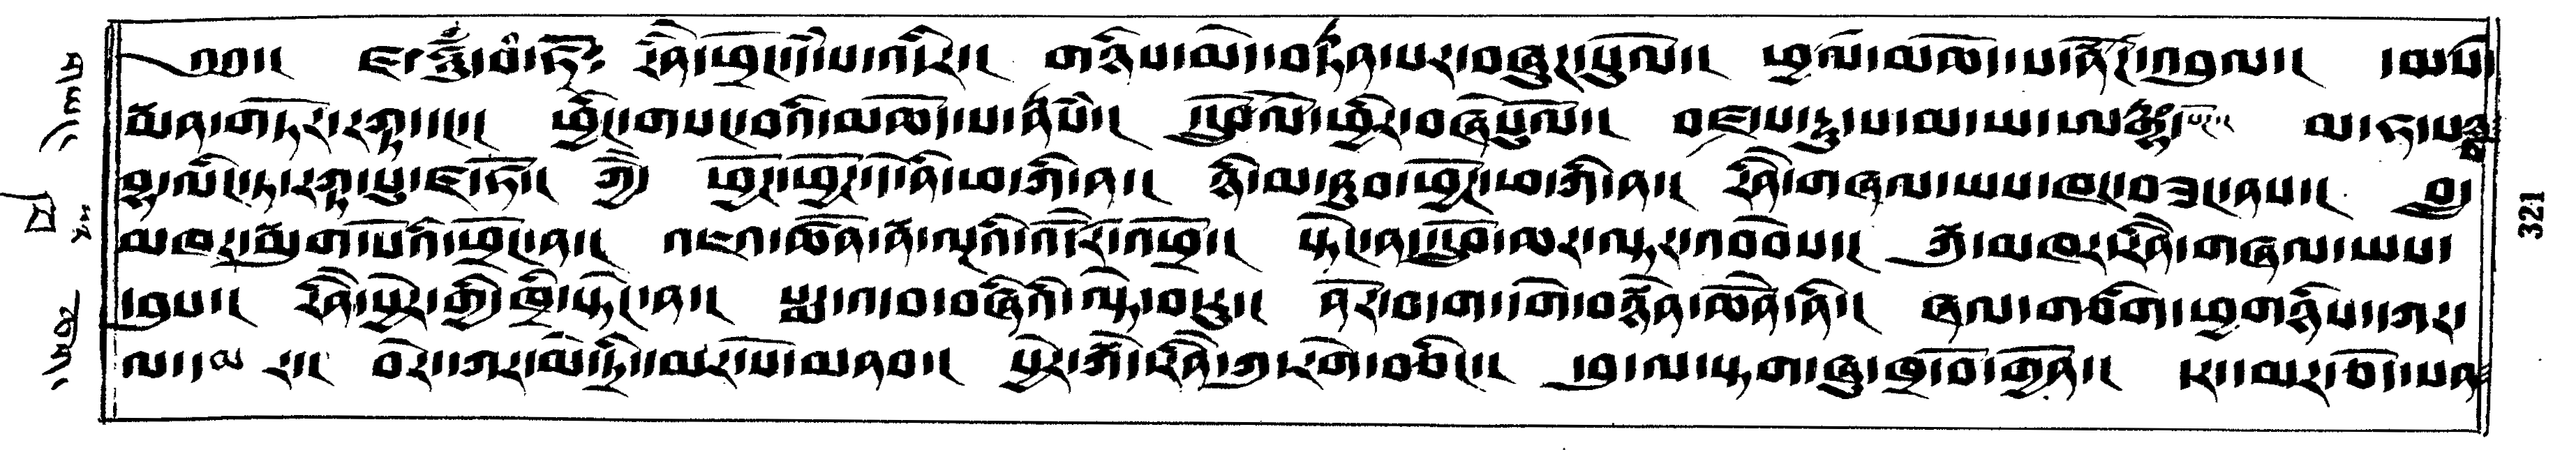ཛ་ཧཱུྃ་བཾ་ཧཱོཿ རིན་ཆེན་ཕོ་བྲང་དམ་པ་འདིར། །གཉིས་མེད་བརྟན་པར་བཞུགས་སུ་གསོལ། །ཕྱག་འཚལ་མཆོད་པ་སྣ་ཚོགས་འབུལ། །དམ་རྫས་
སྨན་གཏོར་རཀྟ་དང་། །ཕྱི་ནང་གསང་བའི་མཆོད་པ་རྣམས། །དངོས་གྲུབ་སྩོལ་ཕྱིར་བཞེས་སུ་གསོལ། །བཛྲ་ས་དྷུ་ས་མ་ཡ་ཨརྒྷཾ་སོགས། མ་ཧ་པཉྩ་
བྷ་ལིང་ཏ་རཀྟ་པུ་ཛ་ཧོ། ཀྱཻ། ཕྱོགས་ཕྱོགས་དེ་ནི་ཕ་ཀི་ན། །ཉི་མ་ནུབ་ཕྱོགས་ཕ་ཀི་ན། །རིན་ཆེན་གཞལ་ཡས་ཁང་བཟང་ནས། །བླ་
མཁར་སྨུག་པོའི་ཕོ་བྲང་ན། །འཇའ་ཚོན་སྣ་ལྔའི་འདོ་ཟེར་འཕྲོ། །སྟེང་ན་དངོས་གྲུབ་ཆར་ལྟར་འབེབས། །སྐུ་མཁར་རིན་ཆེན་གཞལ་ཡས་
དབུས། །རིན་ཆེན་གསེར་གྱི་ཁྲི་སྟེང་ན། །པདྨ་འདབ་བཞིའི་ལྟེ་བ་རུ། །ནོར་བདག་དགེ་བསྙེན་ཆེན་པོ་ནི། །ཞལ་གཅིག་ཕྱག་གཉིས་དཀར་
ལ་དམར། །བེར་ཀར་མེ་ཏྲི་དམར་པོ་མནབས། །གསེར་སྐེད་རིན་ཆེན་སྐུ་རེག་བཅིངས། །དབུ་ལ་སྟག་ཞུ་ཁྲ་བོ་གྱོན། །དར་དམར་ཅོད་པན་